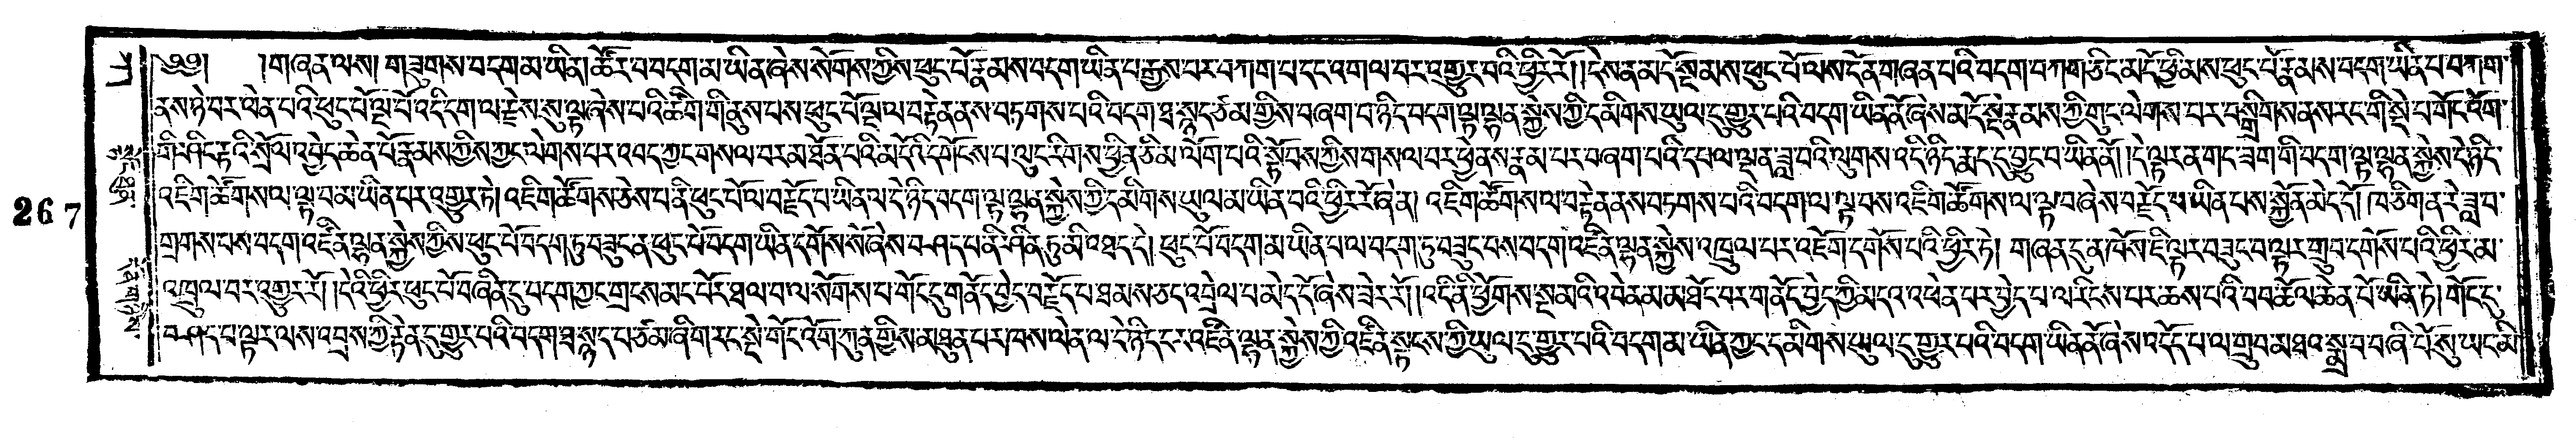༄༅། །གཞན་ལས། གཟུགས་བདག་མ་ཡིན། ཚོར་བ་བདག་མ་ཡིན་ཞེས་སོགས་ཀྱིས་ཕུང་པོ་རྣམས་བདག་ཡིན་པ་རྒྱས་པར་བཀག་པ་དང་འགལ་བར་འགྱུར་བའི་ཕྱིར་རོ། །དེས་ན་མདོ་སྔམས་ཕུང་པོ་ལས་དོན་གཞན་པའི་བདག་བཀག་ཅིང་མདོ་ཕྱི་མས་ཕུང་པོ་རྣམས་བདག་ཡིན་པ་བཀག་
ནས་ཉེ་བར་ལེན་པའི་ཕུང་པོ་ལྔ་པོ་འདི་དག་ལ་རྗེས་སུ་ལྟ་ཞེས་པའི་ཚིག་གི་ནུས་པས་ཕུང་པོ་ལྔ་ལ་བརྟེན་ནས་བཏགས་པའི་བདག་ཐ་སྙད་ཙམ་གྱིས་བཞག་པ་ཉིད་བདག་ལྟ་ལྷན་སྐྱེས་ཀྱི་དམིགས་ཡུལ་དུ་གྱུར་པའི་བདག་ཡིན་ནོ་ཞེས་མདོ་སྡེ་རྣམས་ཀྱི་གུང་ལེགས་པར་བསྒྲིགས་ནས་རང་གི་སྡེ་བ་གོང་འོག་
གི་ཤིང་རྟའི་སྲོལ་འབྱེད་ཆེན་པོ་རྣམས་ཀྱིས་ཀྱང་ལེགས་པར་འབད་ཀྱང་གསལ་བར་མཐོན་པའི་མདོའི་དགོངས་པ་ལུང་རིགས་ཕྱིན་ཅི་མ་ལོག་པའི་སྟོབས་ཀྱིས་གསལ་བར་ཕྱེ་ནས་རྣམ་པར་བཞག་པའི་དཔལ་ལྡན་ཟླ་བའི་ལུགས་འདི་ཉིད་རྨད་དུ་བྱུང་བ་ཡིན་ནོ། །དེ་ལྟར་ན་གང་ཟག་གི་བདག་ལྟ་ལྷན་སྐྱེས་དེ་ཉིད་
འཇིག་ཚོགས་ལ་ལྟ་བ་མ་ཡིན་པར་འགྱུར་ཏེ། འཇིག་ཚོགས་ཅེས་པ་ནི་ཕུང་པོ་ལ་བརྗོད་པ་ཡིན་ལ་དེ་ཉིད་བདག་ལྟ་ལྷན་སྐྱེས་ཀྱི་དམིགས་ཡུལ་མ་ཡིན་པའི་ཕྱིར་རོ་ཞེ་ན། འཇིག་ཚོགས་ལ་བརྟེན་ནས་བཏགས་པའི་བདག་ལ་ལྟ་བས་འཇིག་ཚོགས་ལ་ལྟ་བཞེས་བརྗོད་པ་ཡིན་པས་སྐྱོན་མེད་དོ། ཁ་ཅིག་ན་རེ་ཟླ་བ་
གྲགས་པས་བདག་འཛིན་ལྷན་སྐྱེས་ཀྱིས་ཕུང་པོ་བདག་ཏུ་བཟུང་ན་ཕུང་པོ་བདག་ཡིན་དགོས་སོ་ཞེས་བཤད་པ་ནི་ཤིན་ཏུ་མི་འཐད་དེ། ཕུང་པོ་བདག་མ་ཡིན་པ་ལ་བདག་ཏུ་བཟུང་བས་བདག་འཛིན་ལྷན་སྐྱེས་འཁྲུལ་པར་འཇོག་དགོས་པའི་ཕྱིར་ཏེ། གཞན་དུ་ན་ཁོས་ཇི་ལྟར་བཟུང་བ་ལྟར་གྲུབ་དགོས་པའི་ཕྱིར་མ་
འཁྲུལ་བར་འགྱུར་རོ། །དེའི་ཕྱིར་ཕུང་པོ་བཞིན་དུ་བདག་ཀྱང་གྲངས་མང་པོར་ཐལ་བ་ལ་སོགས་པ་གོང་དུ་གནོད་བྱེད་བརྗོད་པ་ཐམས་ཅད་འབྲེལ་པ་མེད་དོ་ཞེས་ཟེར་རོ། །འདི་ནི་ཕྱོགས་སྔ་མའི་འབེན་མ་མཐོང་བར་གནོད་བྱེད་ཀྱི་མདའ་འཕེན་པར་བྱེད་པ་ལ་རིངས་པར་ཆས་པའི་བབ་ཆོལ་ཆེན་པོ་ཡིན་ཏེ། གོང་དུ་
བཤད་བ་ལྟར་ལས་འབྲས་ཀྱི་རྟེན་དུ་གྱུར་བའི་བདག་ཐ་སྙད་པ་ཙམ་ཞིག་རང་སྡེ་གོང་འོག་ཀུན་གྱིས་མཐུན་པར་ཁས་ལེན་ལ་དེ་ཉིད་ངར་འཛིན་ལྷན་སྐྱེས་ཀྱི་འཛིན་སྟངས་ཀྱི་ཡུལ་དུ་གྱུར་པའི་བདག་མ་ཡིན་ཀྱང་དམིགས་ཡུལ་དུ་གྱུར་པའི་བདག་ཡིན་ནོ་ཞེས་འདོད་པ་ལ་གྲུབ་མཐའ་སྨྲ་བ་བཞི་པོ་སུ་ཡང་མི་